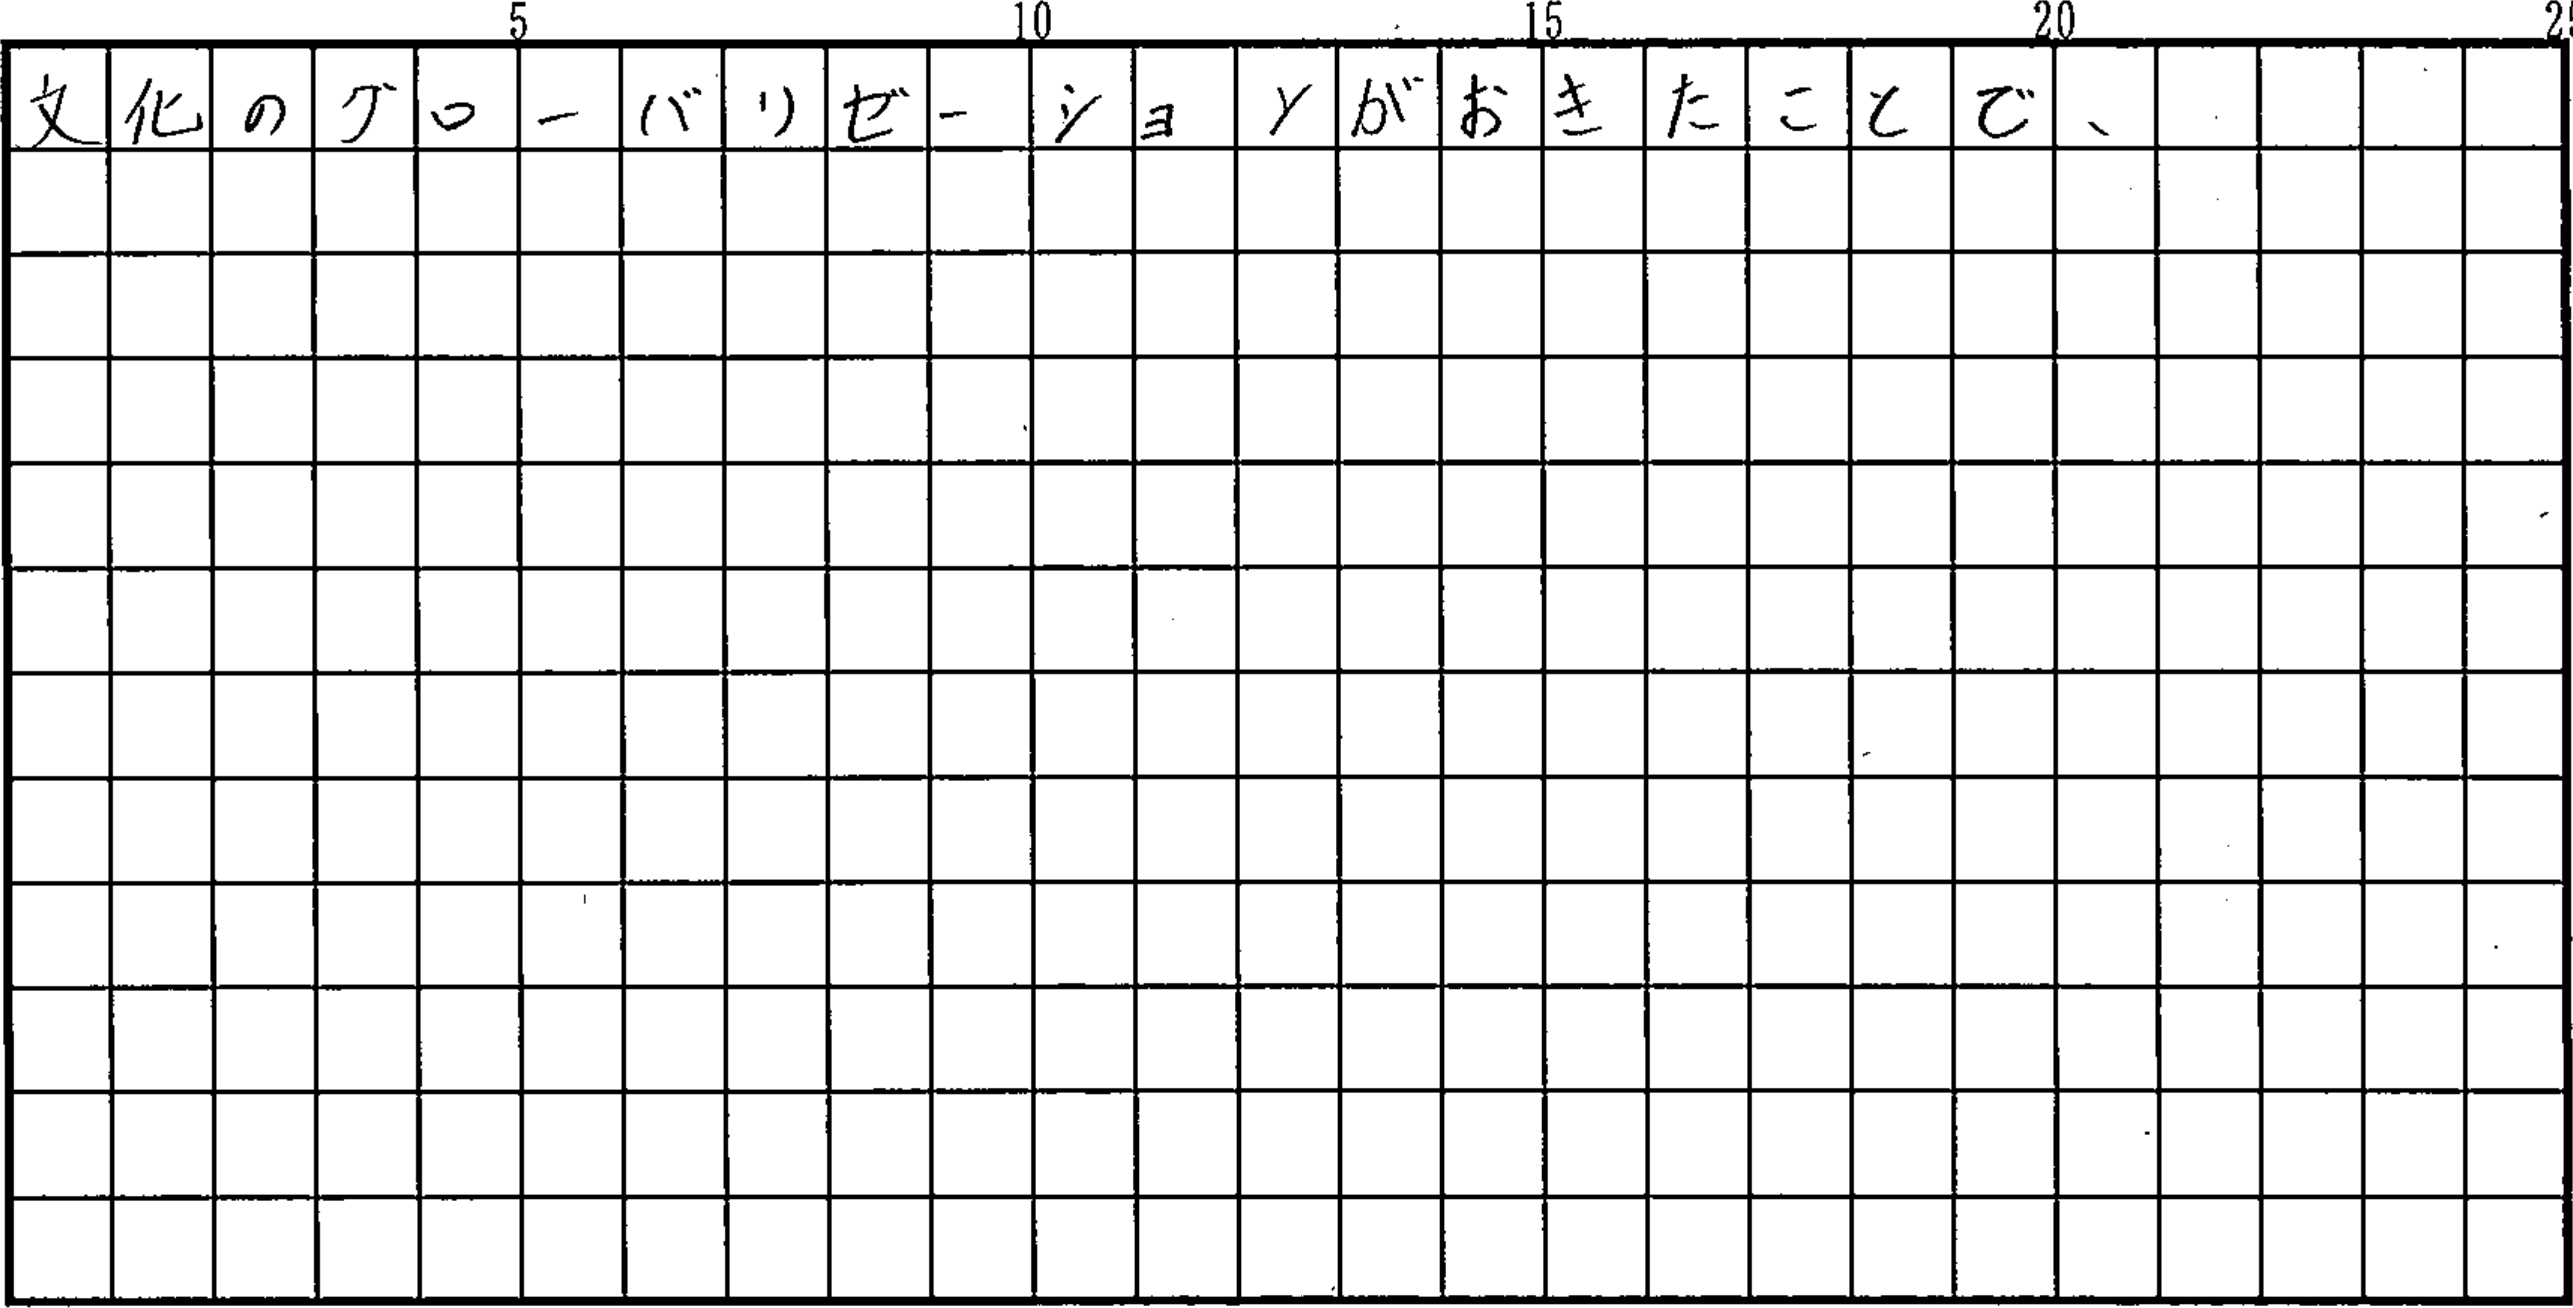文化のグローバリゼーションがおきたことで、
